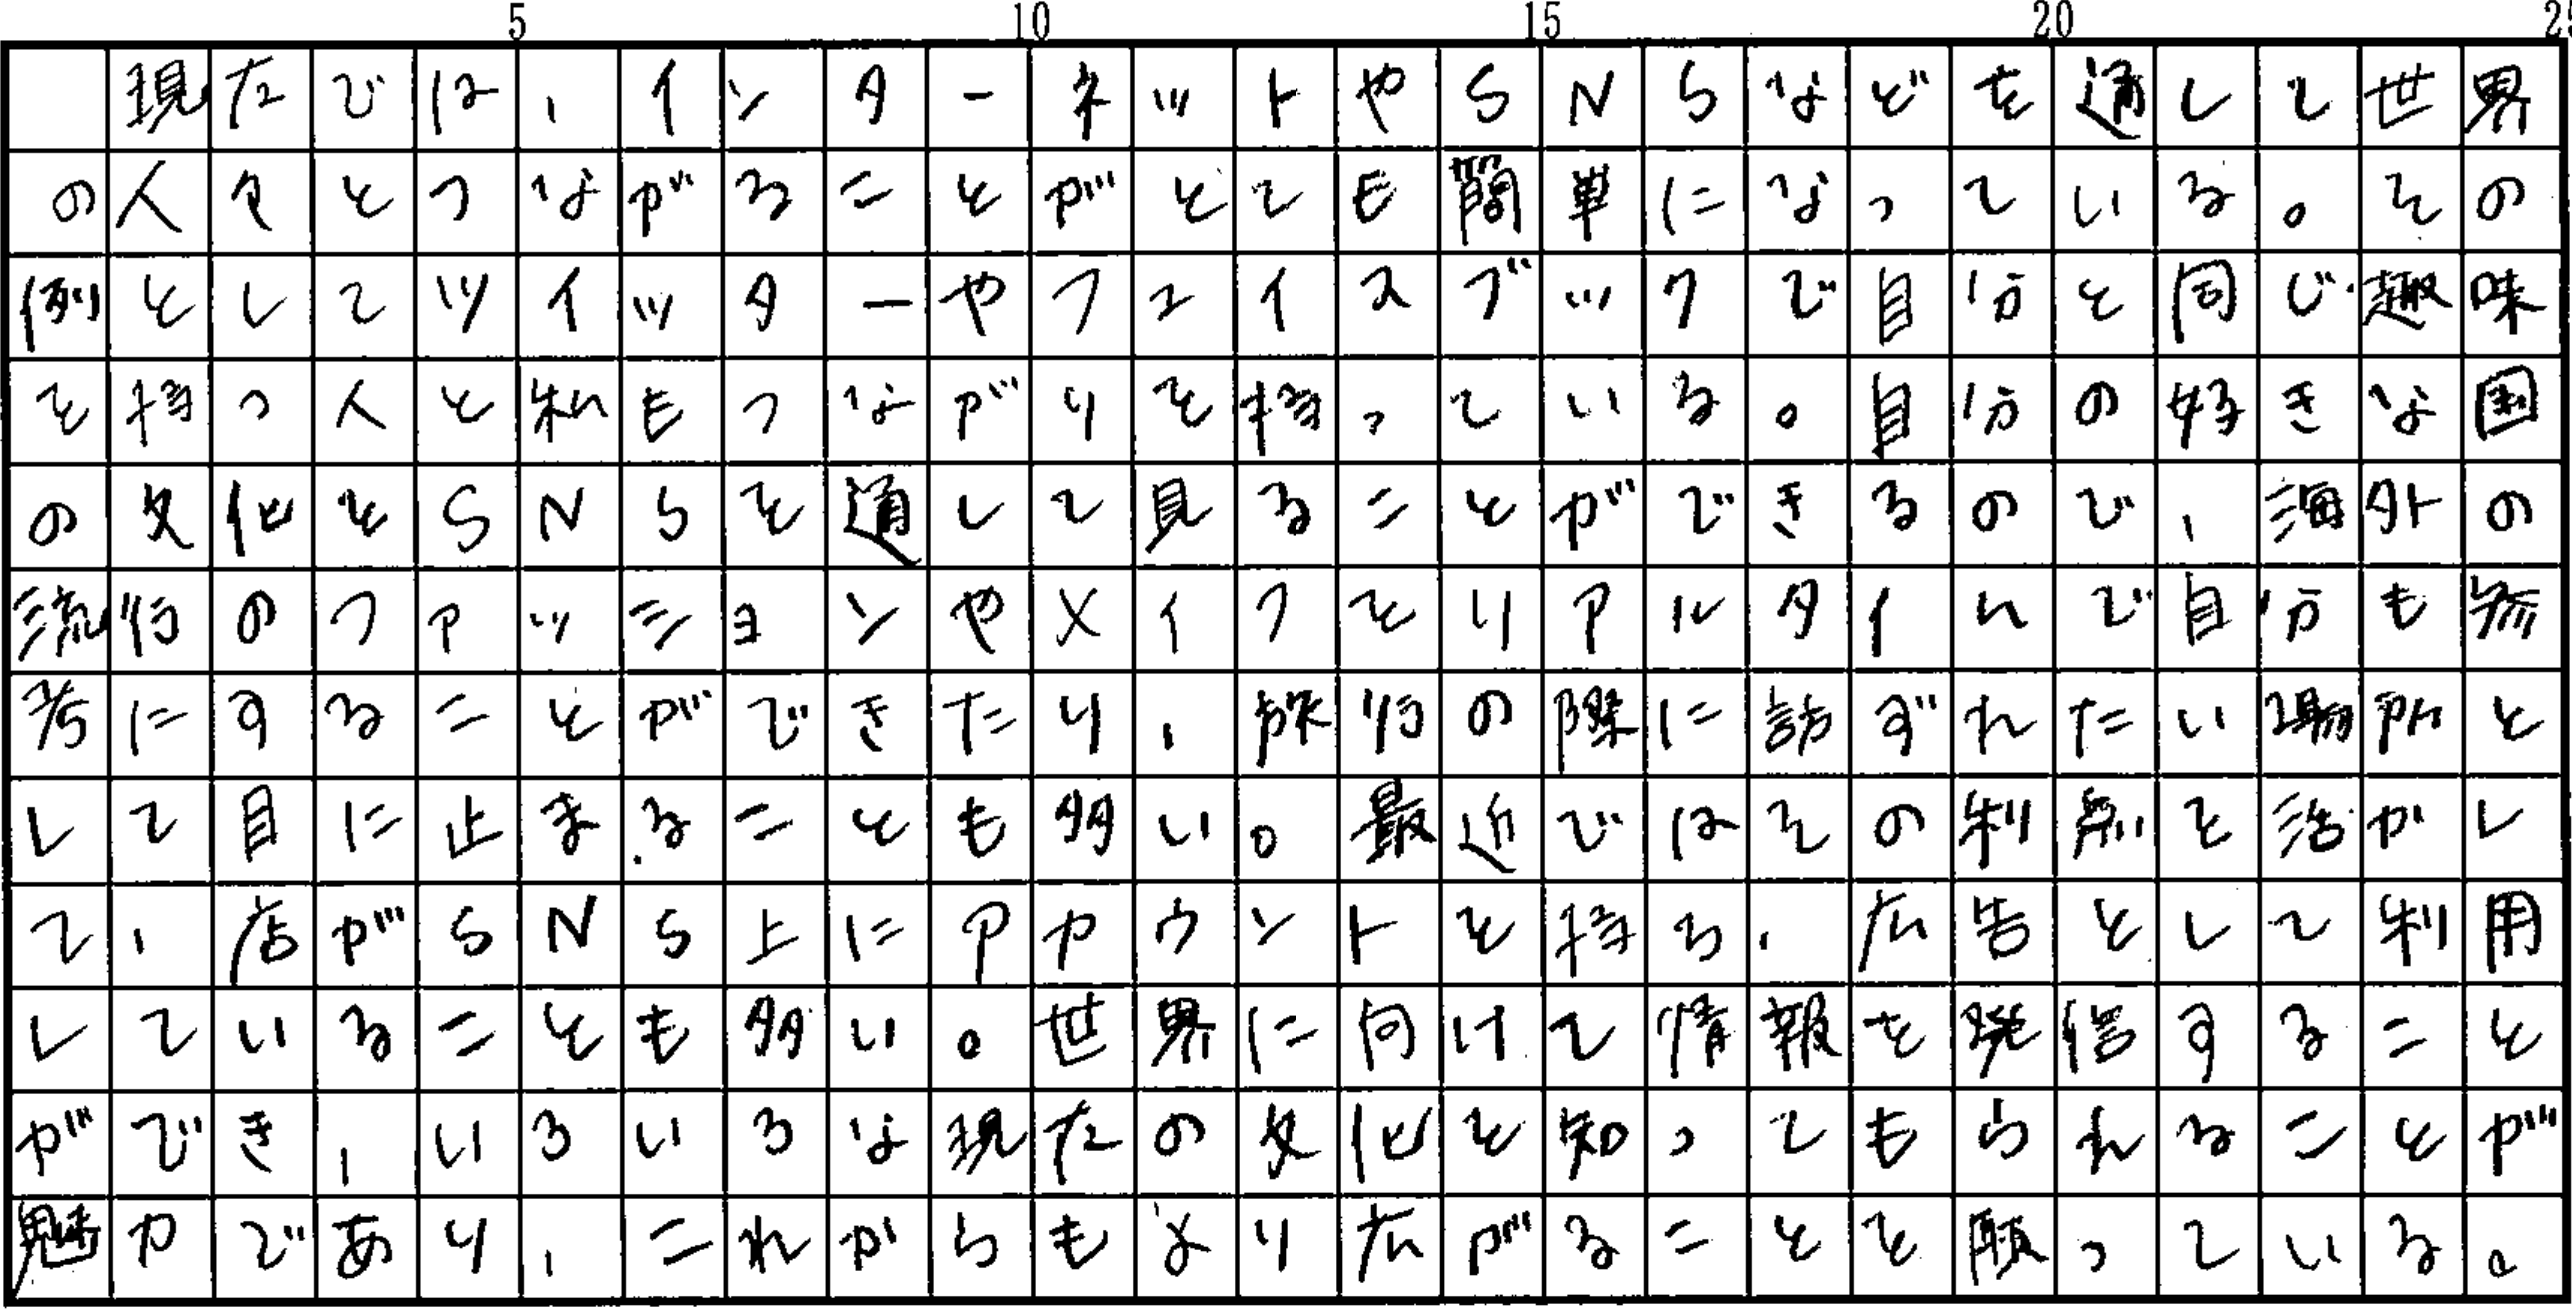　現在では、インターネットやＳＮＳなどを通して世界の人々とつながることがとても簡単になっている。その例としてツイッターやフェイスブックで自分と同じ趣味を持つ人と私もつながりを持っている。自分の好きな国の文化をＳＮＳを通して見ることができるので、海外の流行のファッションやメイクをリアルタイムで自分も参考にすることができたり、旅行の際に訪ずれたい場所として目に止まることも多い。最近ではその利点を活かして、店がＳＮＳ上にアカウントを持ち、広告として利用していることも多い。世界に向けて情報を発信することができ、いろいろな現在の文化を知ってもらえることが魅力であり、これからもより広がることを願っている。
